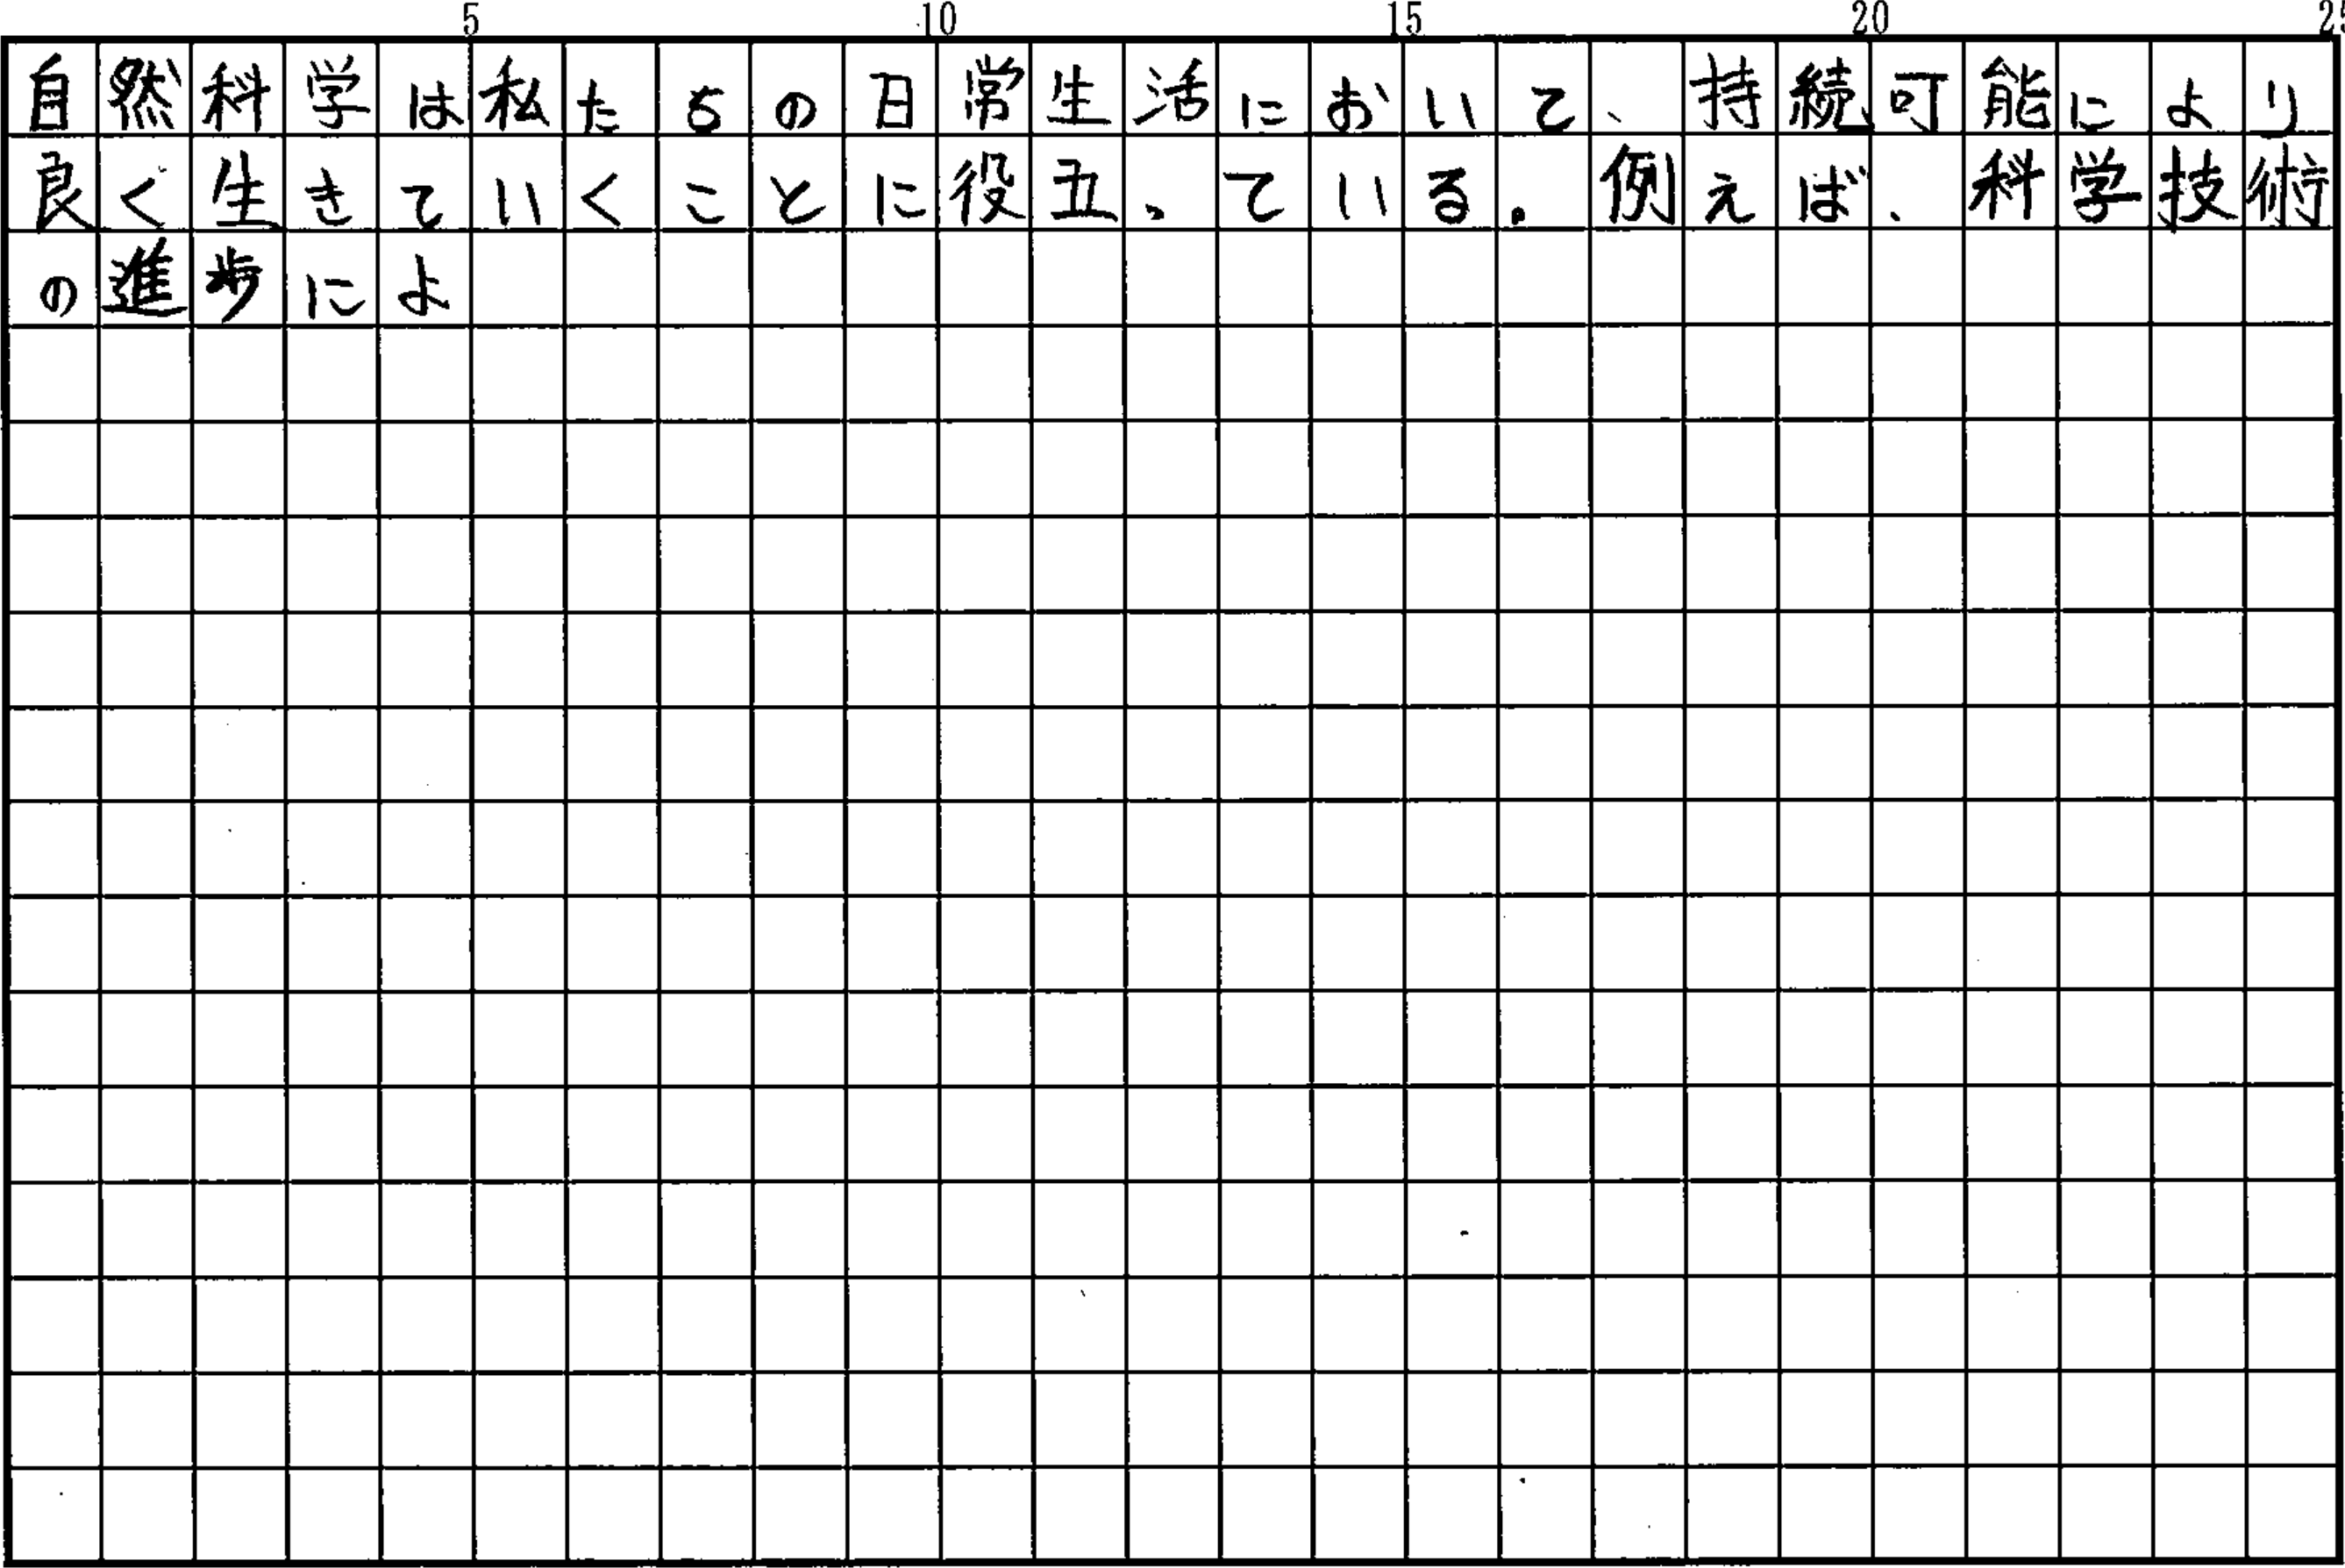自然科学は私たちの日常生活において、持続可能により良く生きていくことに役立っている。例えば、科学技術の進歩によ
